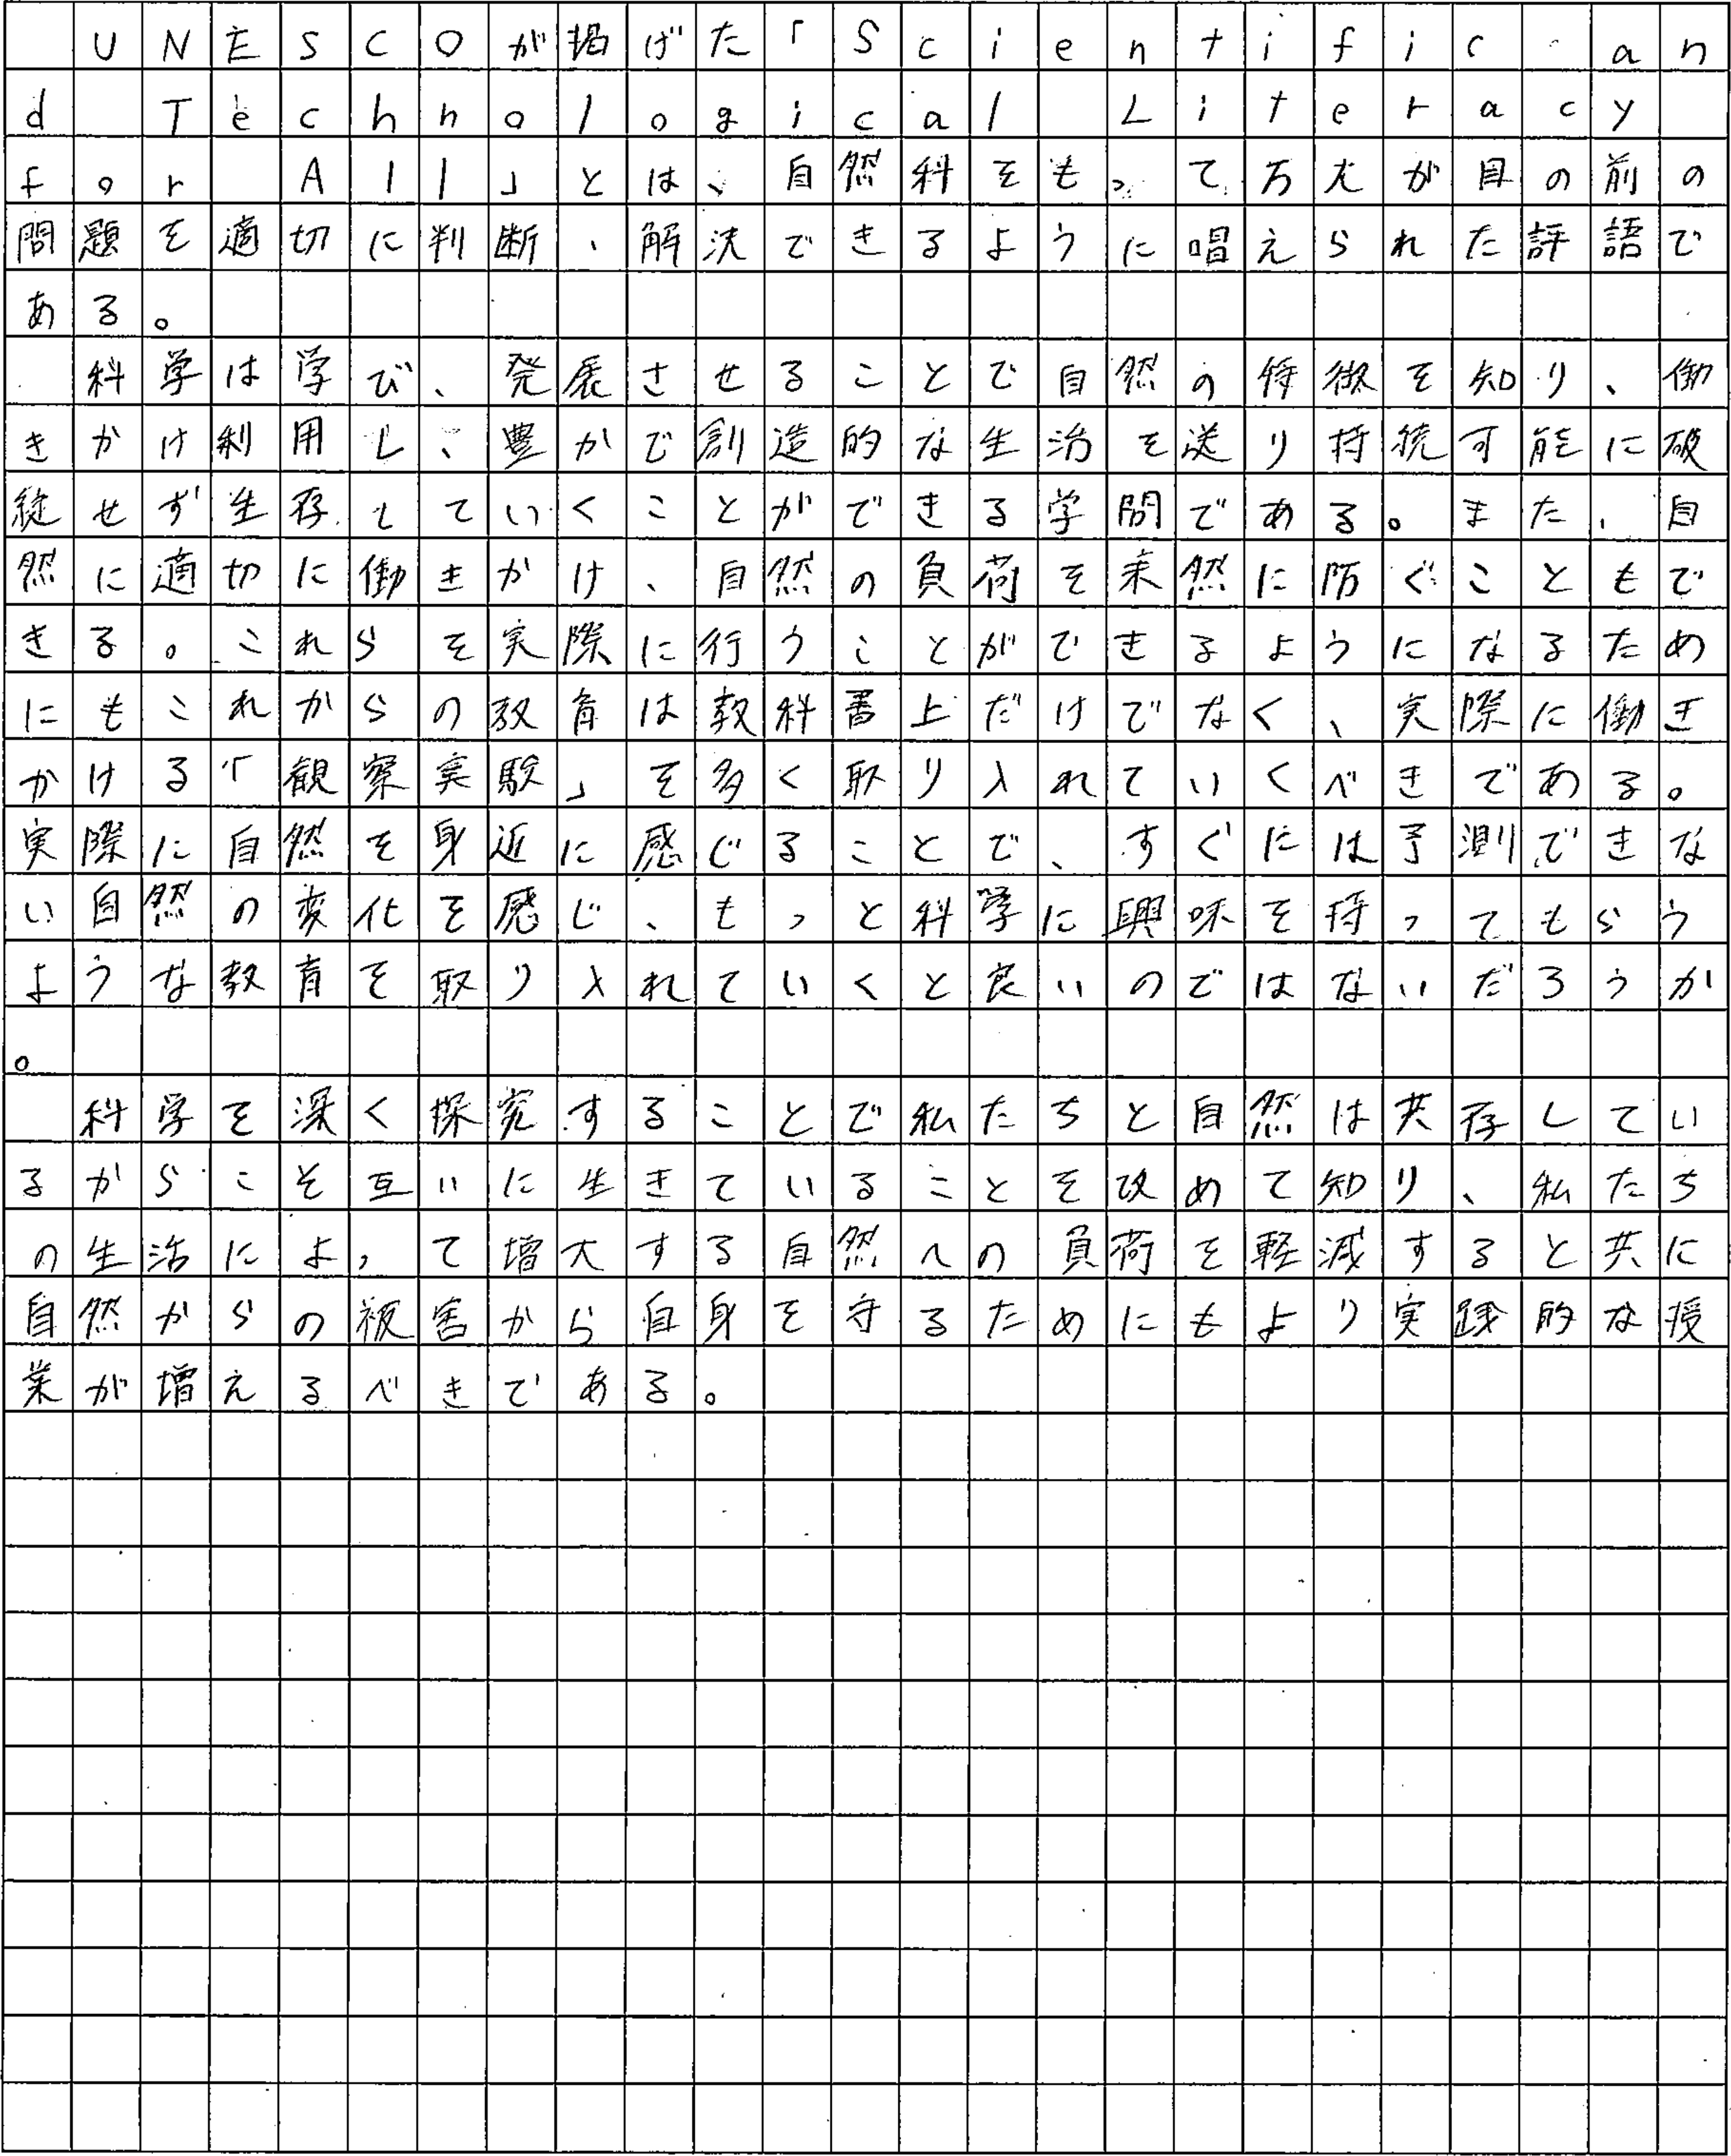　ＵＮＥＳＣＯが掲げた「Ｓｃｉｅｎｔｉｆｉｃ　ａｎｄ　Ｔｅｃｈｎｏｌｏｇｉｃａｌ　Ｌｉｔｅｒａｃｙ　ｆｏｒ　Ａｌｌ」とは、自然科をもって万人が目の前の問題を適切に判断・解決できるように唱えられた評語である。
　科学は学び、発▁させることで自然の特徴を知り、働きかけ利用し、豊かで創造的な生活を送り持続可能に破綻せず生存していくことができる学問である。また、自然に適切に働きかけ、自然の負荷を未然に防ぐこともできる。これらを実際に行うことができるようになるためにもこれからの教育は教科書上だけでなく、実際に働きかける「観察実験」を多く取り入れていくべきである。実際に自然を身近に感じることで、すぐには予測できない自然の変化を感じ、もっと科学に興味を持ってもらうような教育を取り入れていくと良いのではないだろうか。
　科学を深く探究することで私たちと自然は共存しているからこそ互いに生きていることを改めて知り、私たちの生活によって増大する自然への負荷を軽減すると共に自然からの被害から自身を守るためにもより実践的な授業が増えるべきである。
